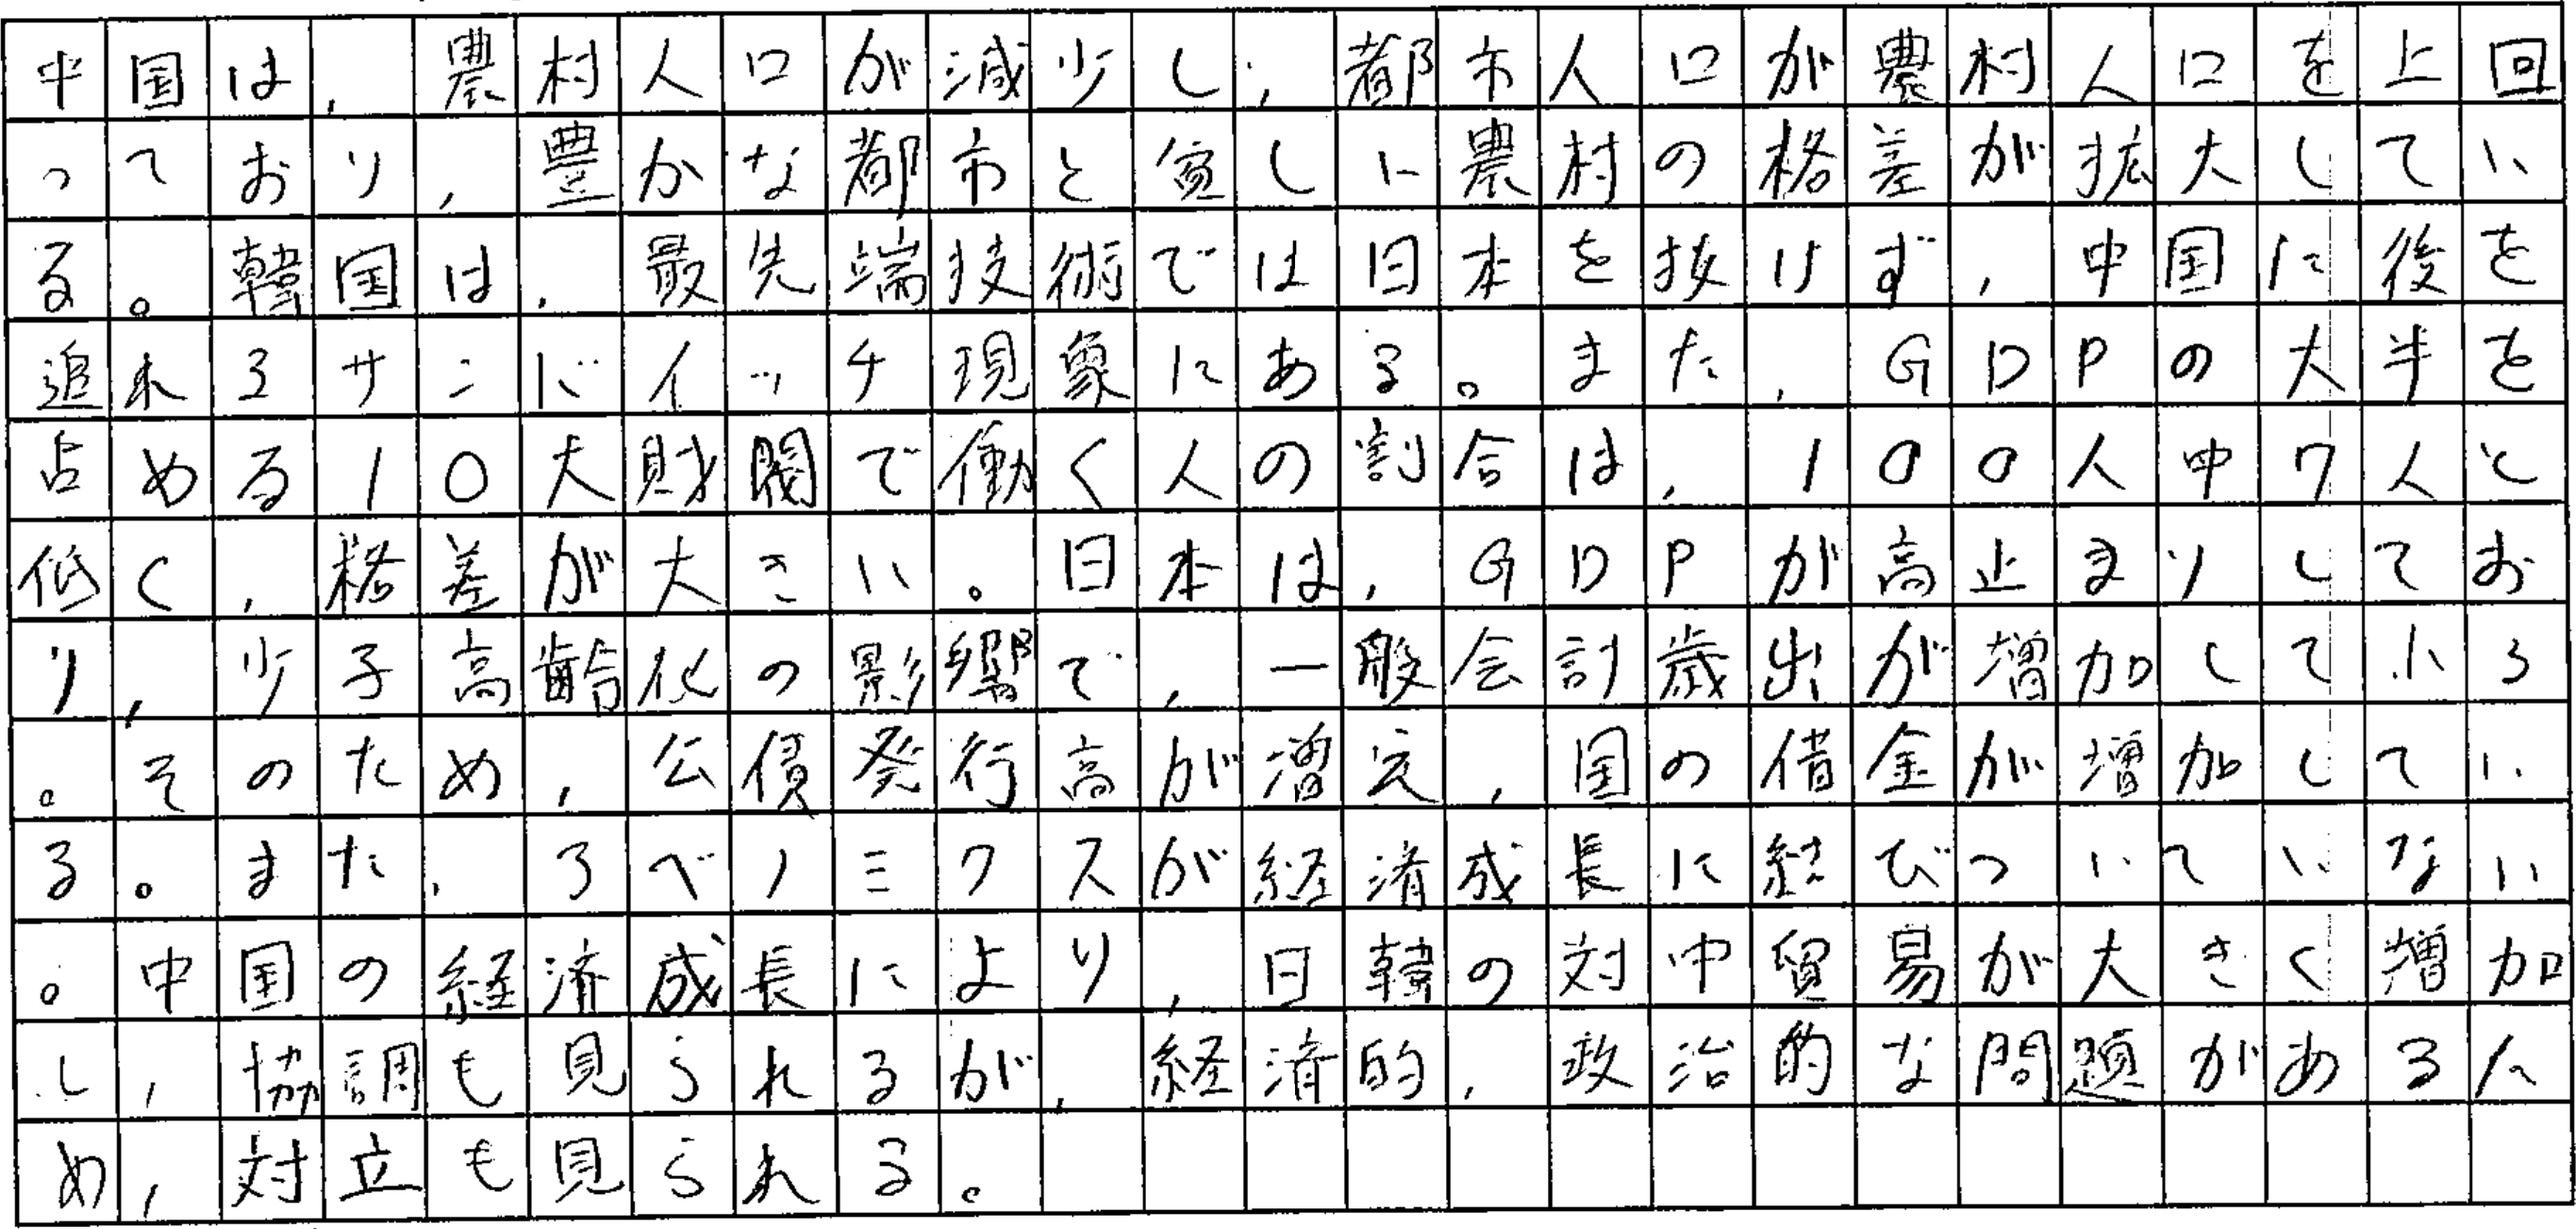中国は，農村人口が減少し，都市人口が農村人口を上回っており，豊かな都市と貧しい農村の格差が拡大している。韓国は，最先端技術では日本を抜けず，中国に後を追れるサンドイッチ現象にある。また，ＧＤＰの大半を占める１０大財閥で働く人の割合は，１００人中７人と低く，格差が大きい。日本は，ＧＤＰが高止まりしており，少子高齢化の影響で，一般会計歳出が増加している。そのため，公債発行高が増え，国の借金が増加している。また，アベノミクスが経済成長に結びついていない。中国の経済成長により，日韓の対中貿易が大きく増加し，協調も見られるが，経済的，政治的な問題があるため，対立も見られる。
